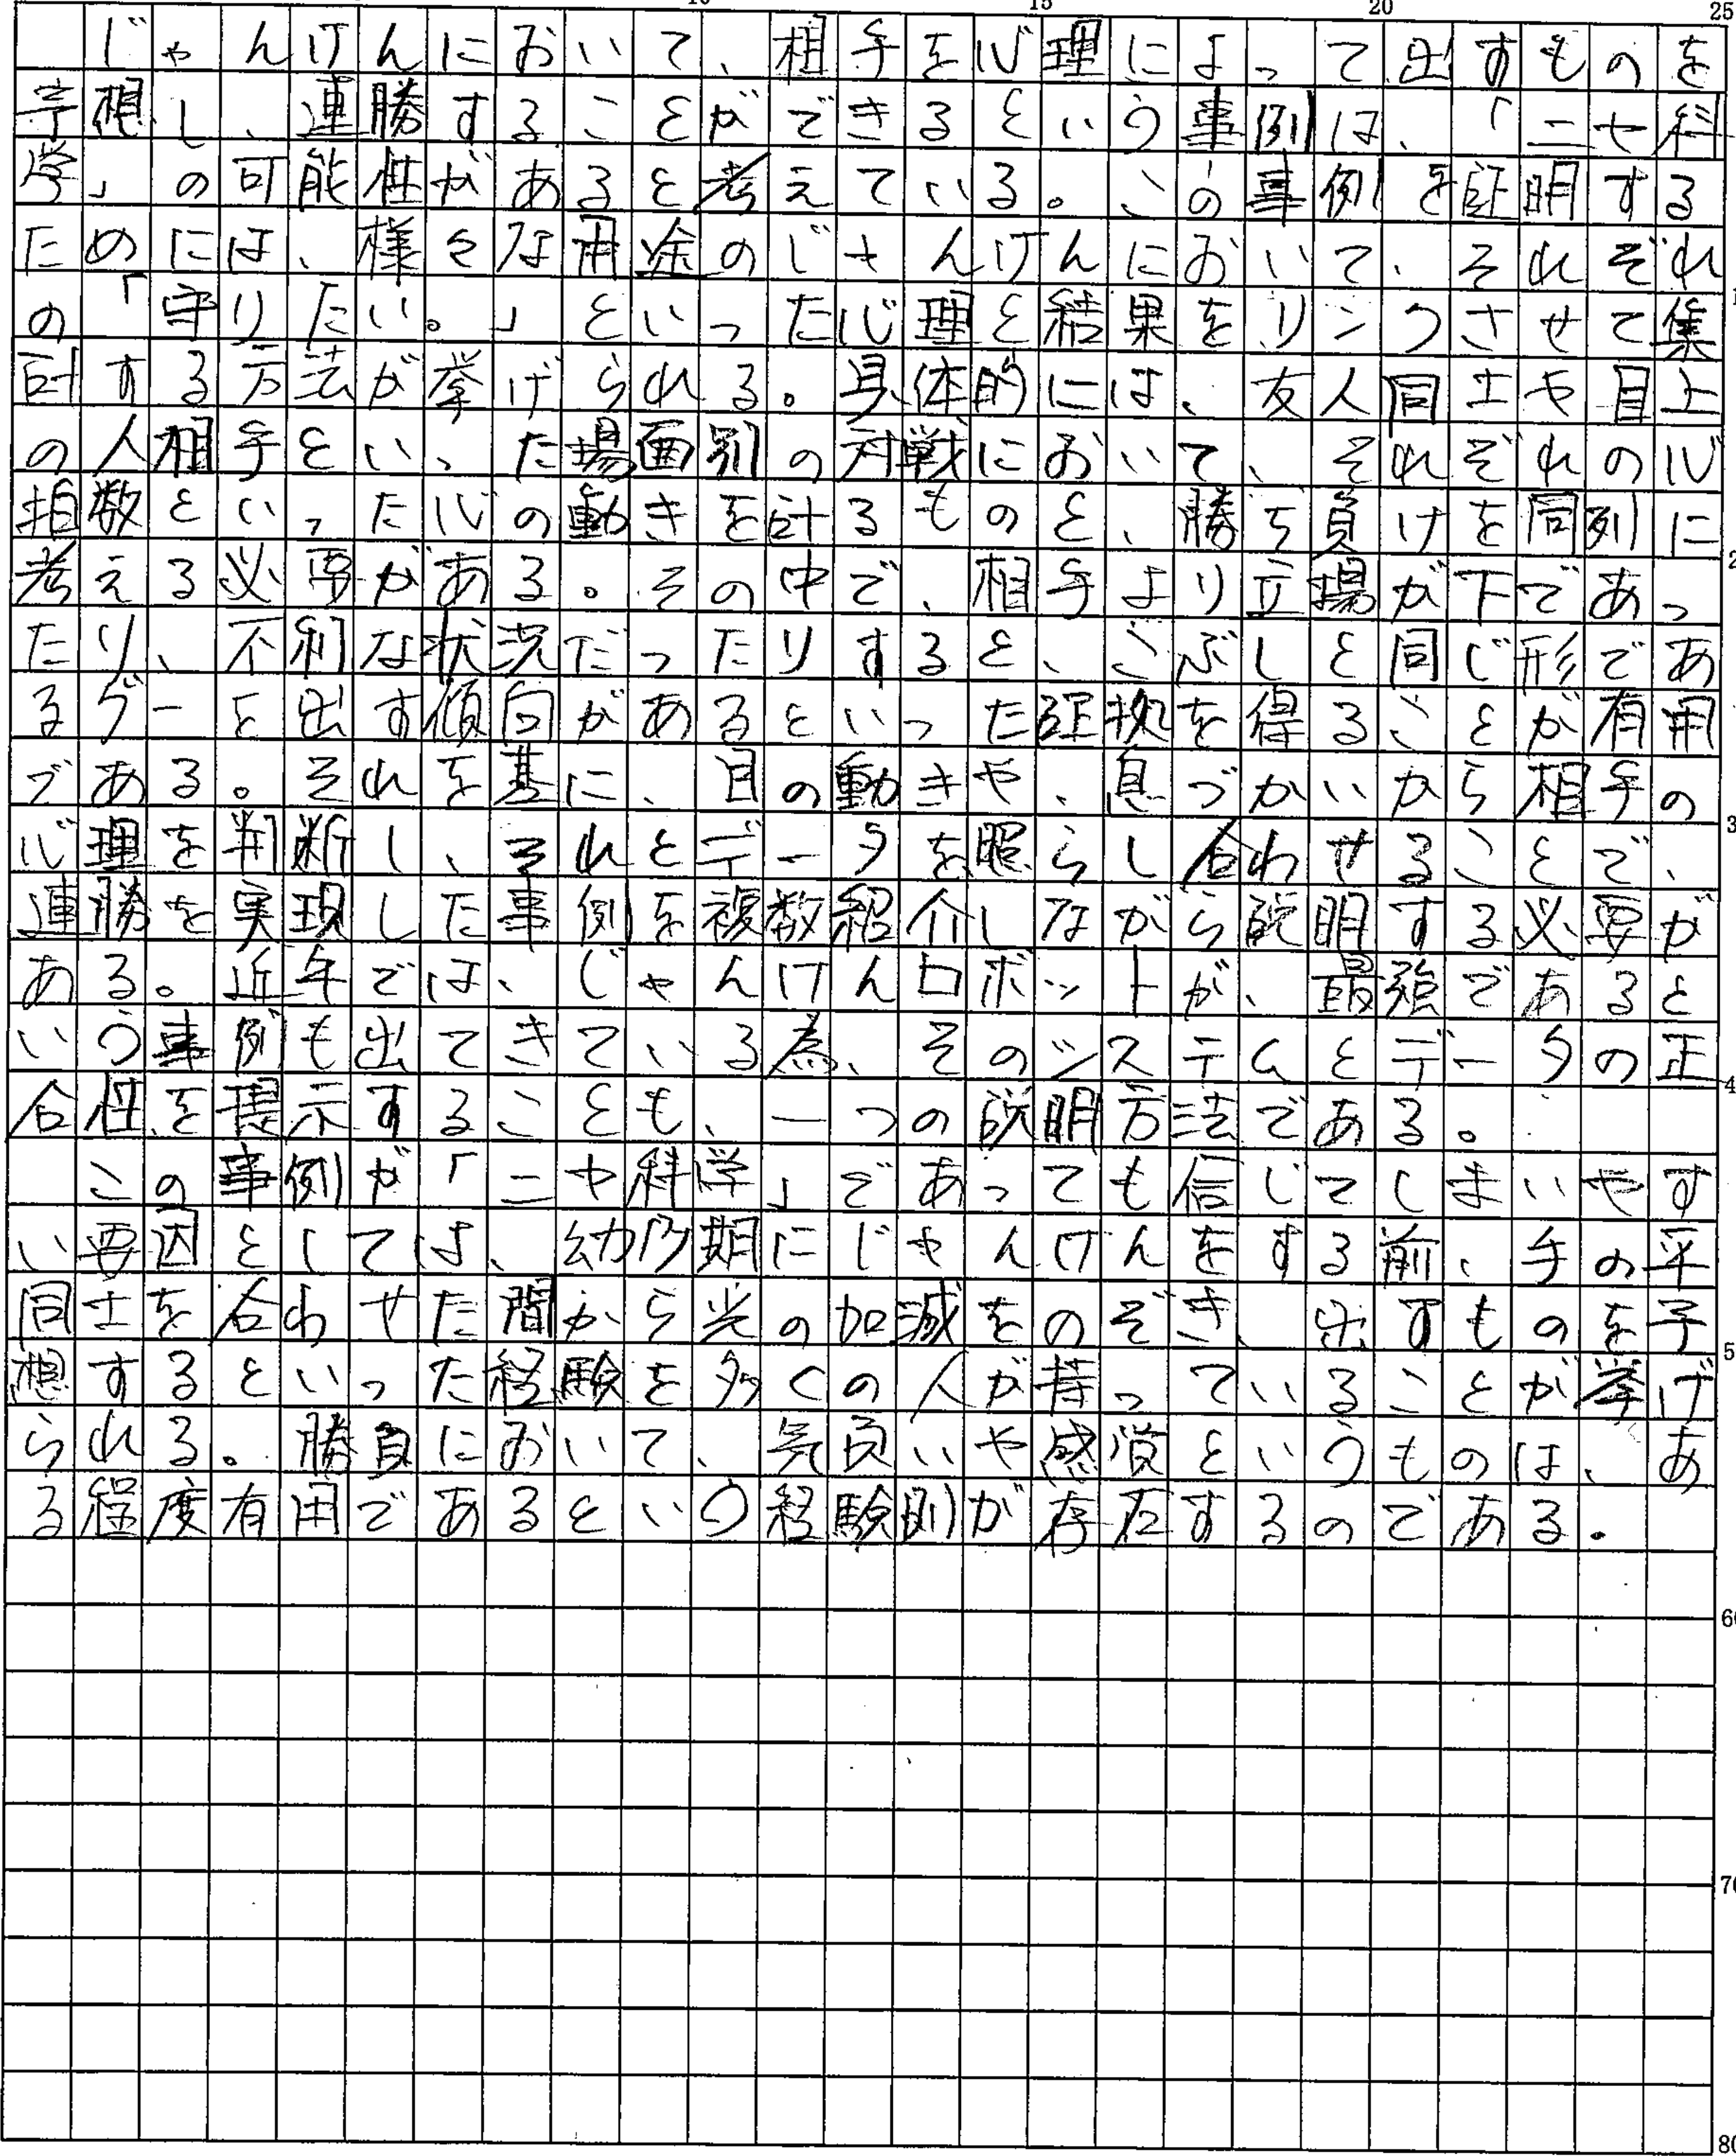　じゃんけんにおいて、相手を心理によって出すものを予想し、連勝することができるという事例は、「ニセ科学」の可能性があると考えている。この事例を証明するためには、様々な用途のじゃんけんにおいて、それぞれの「守りたい。」といった心理と結果をリンクさせて集▁する方法が挙げられる。具体的には、友人同士や目上の人相手といった場面別の対戦において、それぞれの心拍数といった心の動きを▁るものと、勝ち負けを同列に考える必要がある。その中で、相手より立場が下であったり、不利な状況だったりすると、こぶしと同じ形であるグーを出す傾向があるといった▁拠を得ることが有用である。それを基に、目の動きや、息づかいから相手の心理を判断し、それとデータを照らし合わせることで、連勝を実現した事例を複数紹介しながら▁明する必要がある。近年では、じゃんけんロボットが、最強であるという事例も出てきている為、そのシステムとデータの正合性を提示することも、一つの▁明方法である。
　この事例が「ニセ科学」であっても信じてしまいやすい要因としては、幼少期にじゃんけんをする前、手の平同士を合わせた間から光の加減をのぞき、出すものを予想するといった経験を多くの人が持っていることが挙げられる。勝負において、気負いや感覚というものは、ある程度有用であるという経験▁が存在するのである。
